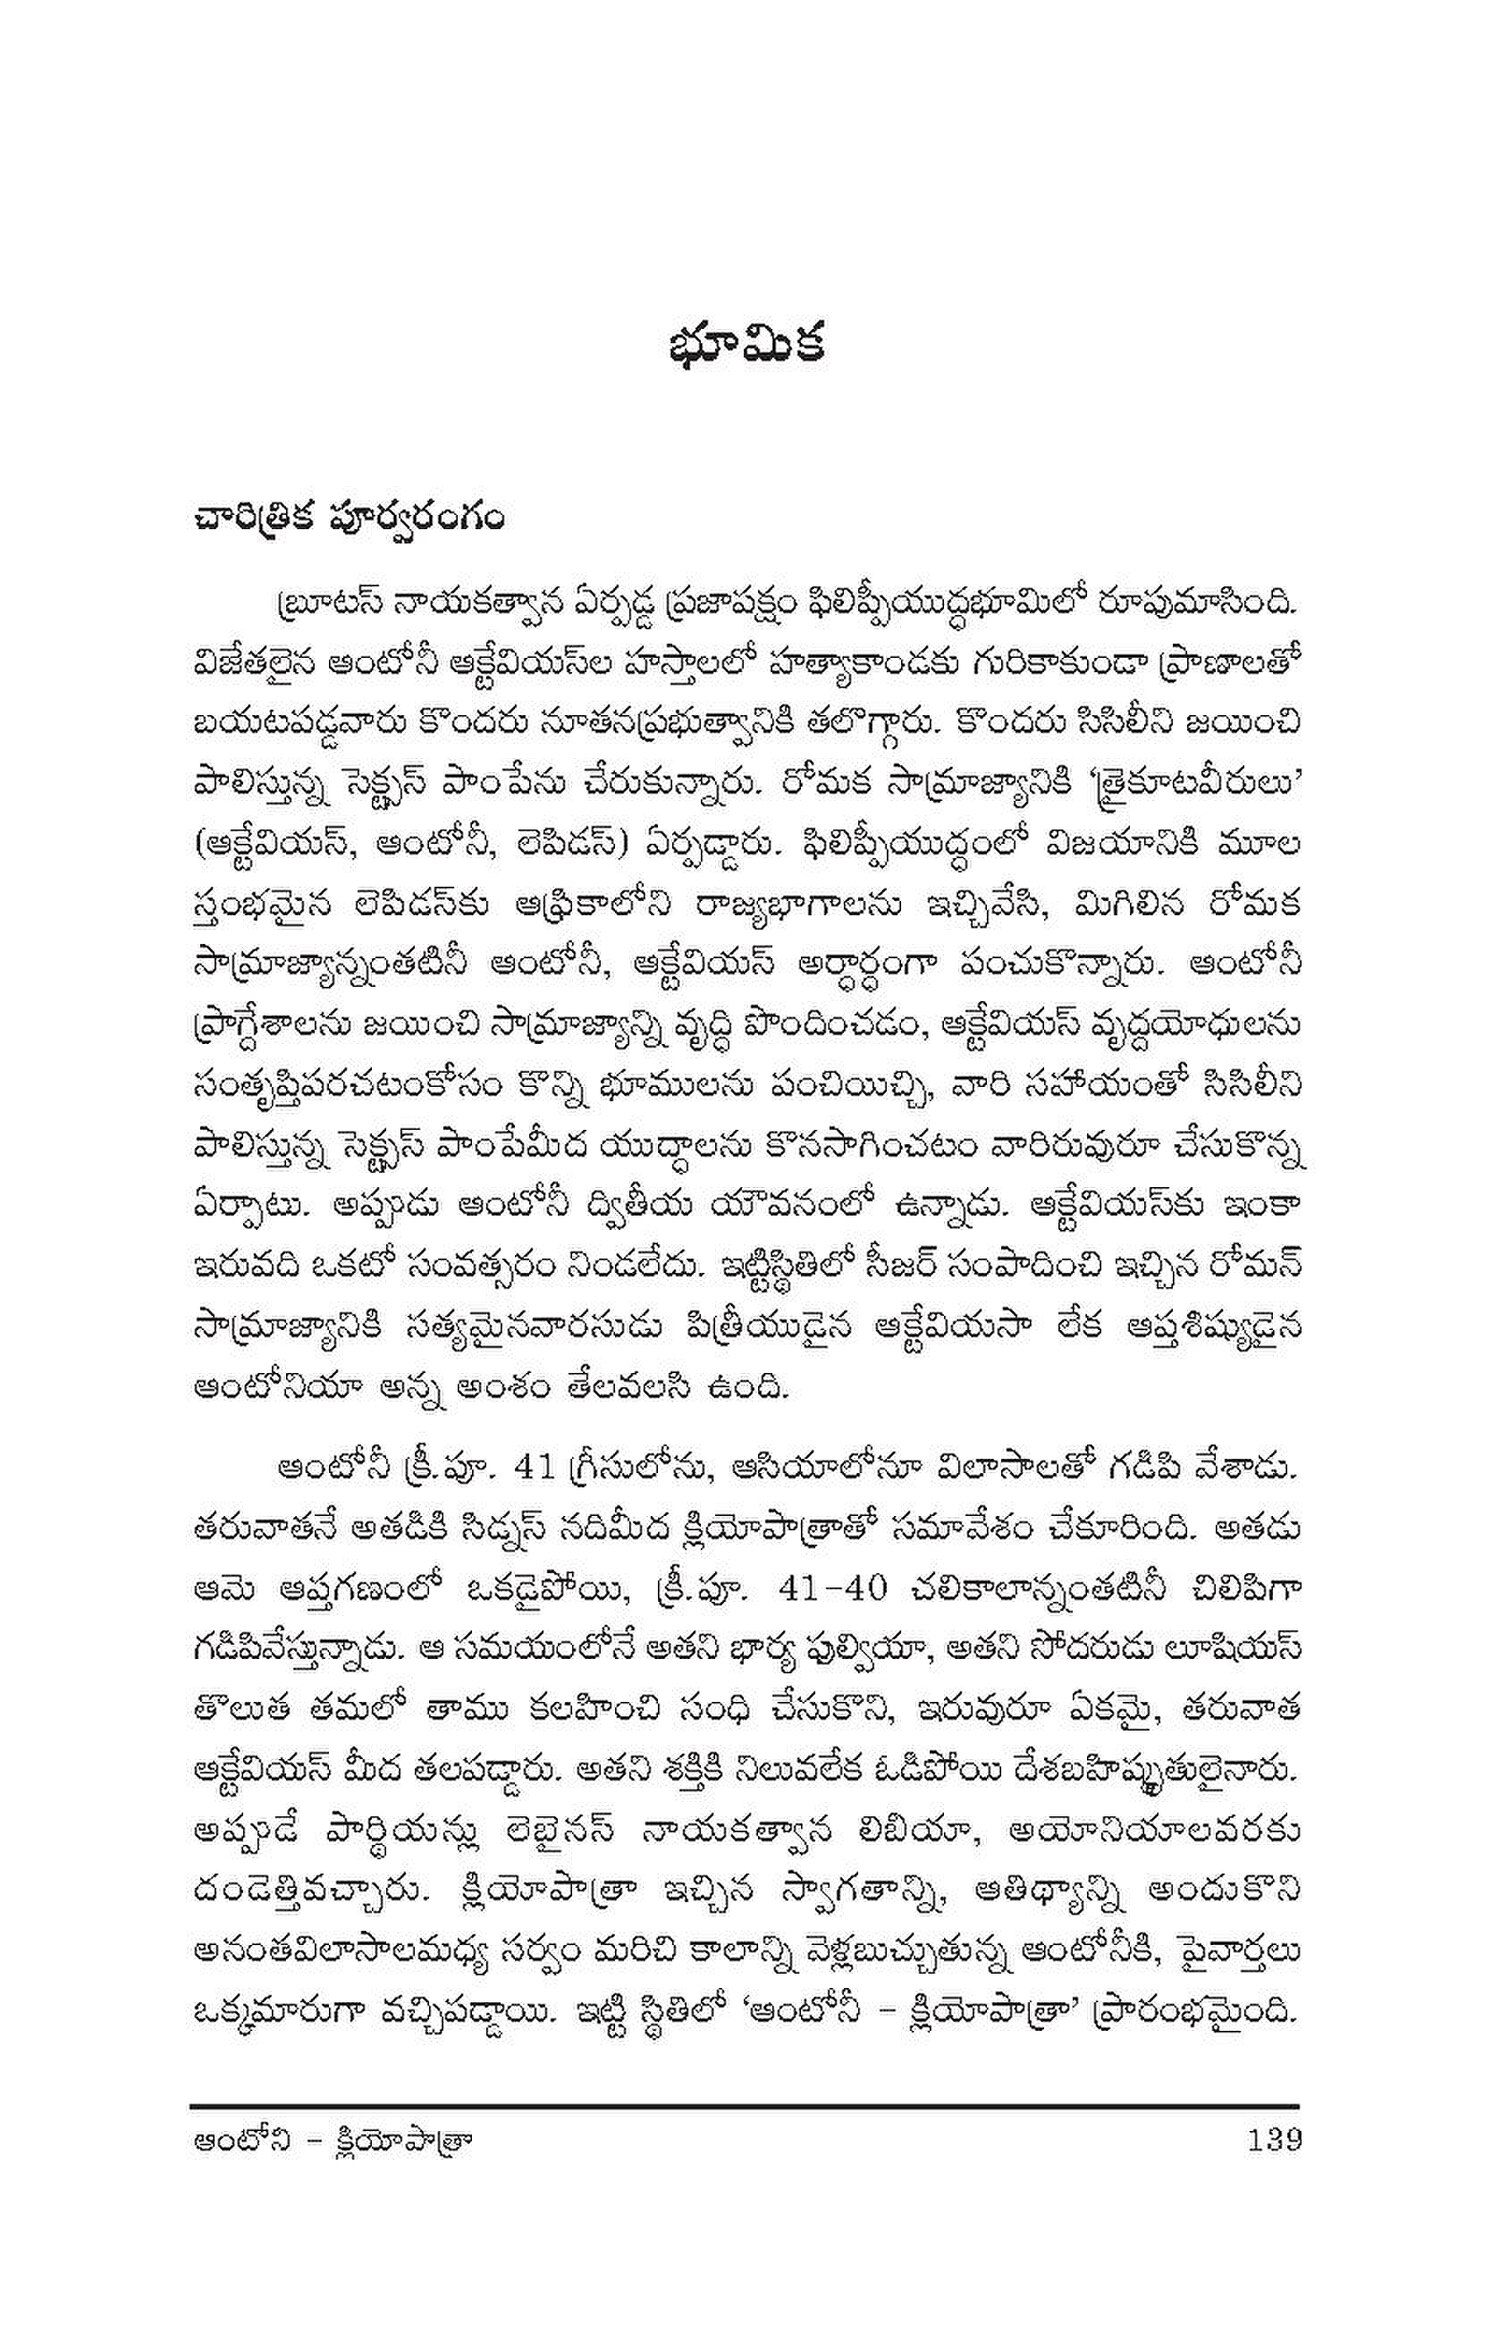బ్రూటస్ నాయకత్వాన ఏర్పడ్డ ప్రజాపక్షం ఫిలిప్పీయుద్ధభూమిలో రూపుమాసింది. విజేతలైన ఆంటోనీ ఆక్టేవియస్ల హస్తాలలో హత్యాకాండకు గురికాకుండా ప్రాణాలతో బయటపడ్డవారు కొందరు నూతన ప్రభుత్వానికి తలొగ్గారు. కొందరు సిసిలీని జయించి పాలిస్తున్న సెక్స్టన్ పాంపేను చేరుకున్నారు. రోమక సామ్రాజ్యానికి 'త్రైకూటవీరులు' (ఆక్టేవియస్, ఆంటోనీ, లెపిడస్) ఏర్పడ్డారు. ఫిలిప్పీయుద్ధంలో విజయానికి మూల స్తంభమైన లెపిడస్ కు ఆఫ్రికాలోని రాజ్యభాగాలను ఇచ్చివేసి, మిగిలిన రోమక సామ్రాజ్యాన్నంతటినీ ఆంటోనీ, ఆక్టేవియస్ అర్ధార్ధంగా పంచుకొన్నారు. ఆంటోనీ ప్రాగ్దేశాలను జయించి సామ్రాజ్యాన్ని వృద్ధి పొందించడం, ఆక్టేవియస్ వృద్ధయోధులను సంతృప్తిపరచటంకోసం కొన్ని భూములను పంచియిచ్చి, వారి సహాయంతో సిసిలీని పాలిస్తున్న సెక్స్టస్ పాంపేమీద యుద్ధాలను కొనసాగించటం వారిరువురూ చేసుకొన్న ఏర్పాటు. అప్పుడు ఆంటోనీ ద్వితీయ యౌవనంలో ఉన్నాడు. ఆక్టేవియస్కు ఇంకా ఇరువది ఒకటో సంవత్సరం నిండలేదు. ఇట్టిస్థితిలో సీజర్ సంపాదించి ఇచ్చిన రోమన్ సామ్రాజ్యానికి సత్యమైనవారసుడు పిత్రీయుడైన ఆక్టేవియసా లేక ఆప్తశిష్యుడైన
ఆంటోనియా అన్న అంశం తేలవలసి ఉంది.

ఆంటోనీ క్రీ.పూ. 41 గ్రీసులోను, ఆసియాలోనూ విలాసాలతో గడిపి వేశాడు. తరువాతనే అతడికి సిడ్నస్ నదిమీద క్లియోపాత్రాతో సమావేశం చేకూరింది. అతడు ఆమె ఆప్తగణంలో ఒకడైపోయి, క్రీ.పూ. 41-40 చలికాలాన్నంతటినీ చిలిపిగా
గడిపివేస్తున్నాడు. ఆ సమయంలోనే అతని భార్య ఫుల్వియా, అతని సోదరుడు లూషియస్ తొలుత తమలో తాము కలహించి సంధి చేసుకొని, ఇరువురూ ఏకమై, తరువాత ఆక్టేవియస్ మీద తలపడ్డారు. అతని శక్తికి నిలువలేక ఓడిపోయి దేశబహిష్కృతులైనారు. అప్పుడే పార్థియన్లు లెబైనస్ నాయకత్వాన లిబియా, అయోనియాలవరకు దండెత్తివచ్చారు. క్లియోపాత్రా ఇచ్చిన స్వాగతాన్ని, ఆతిథ్యాన్ని అందుకొని అనంతవిలాసాలమధ్య సర్వం మరిచి కాలాన్ని వెళ్లబుచ్చుతున్న ఆంటోనీకి, పైవార్తలు ఒక్కమారుగా వచ్చిపడ్డాయి. ఇట్టి స్థితిలో 'ఆంటోనీ - క్లియోపాత్రా' ప్రారంభమైంది.